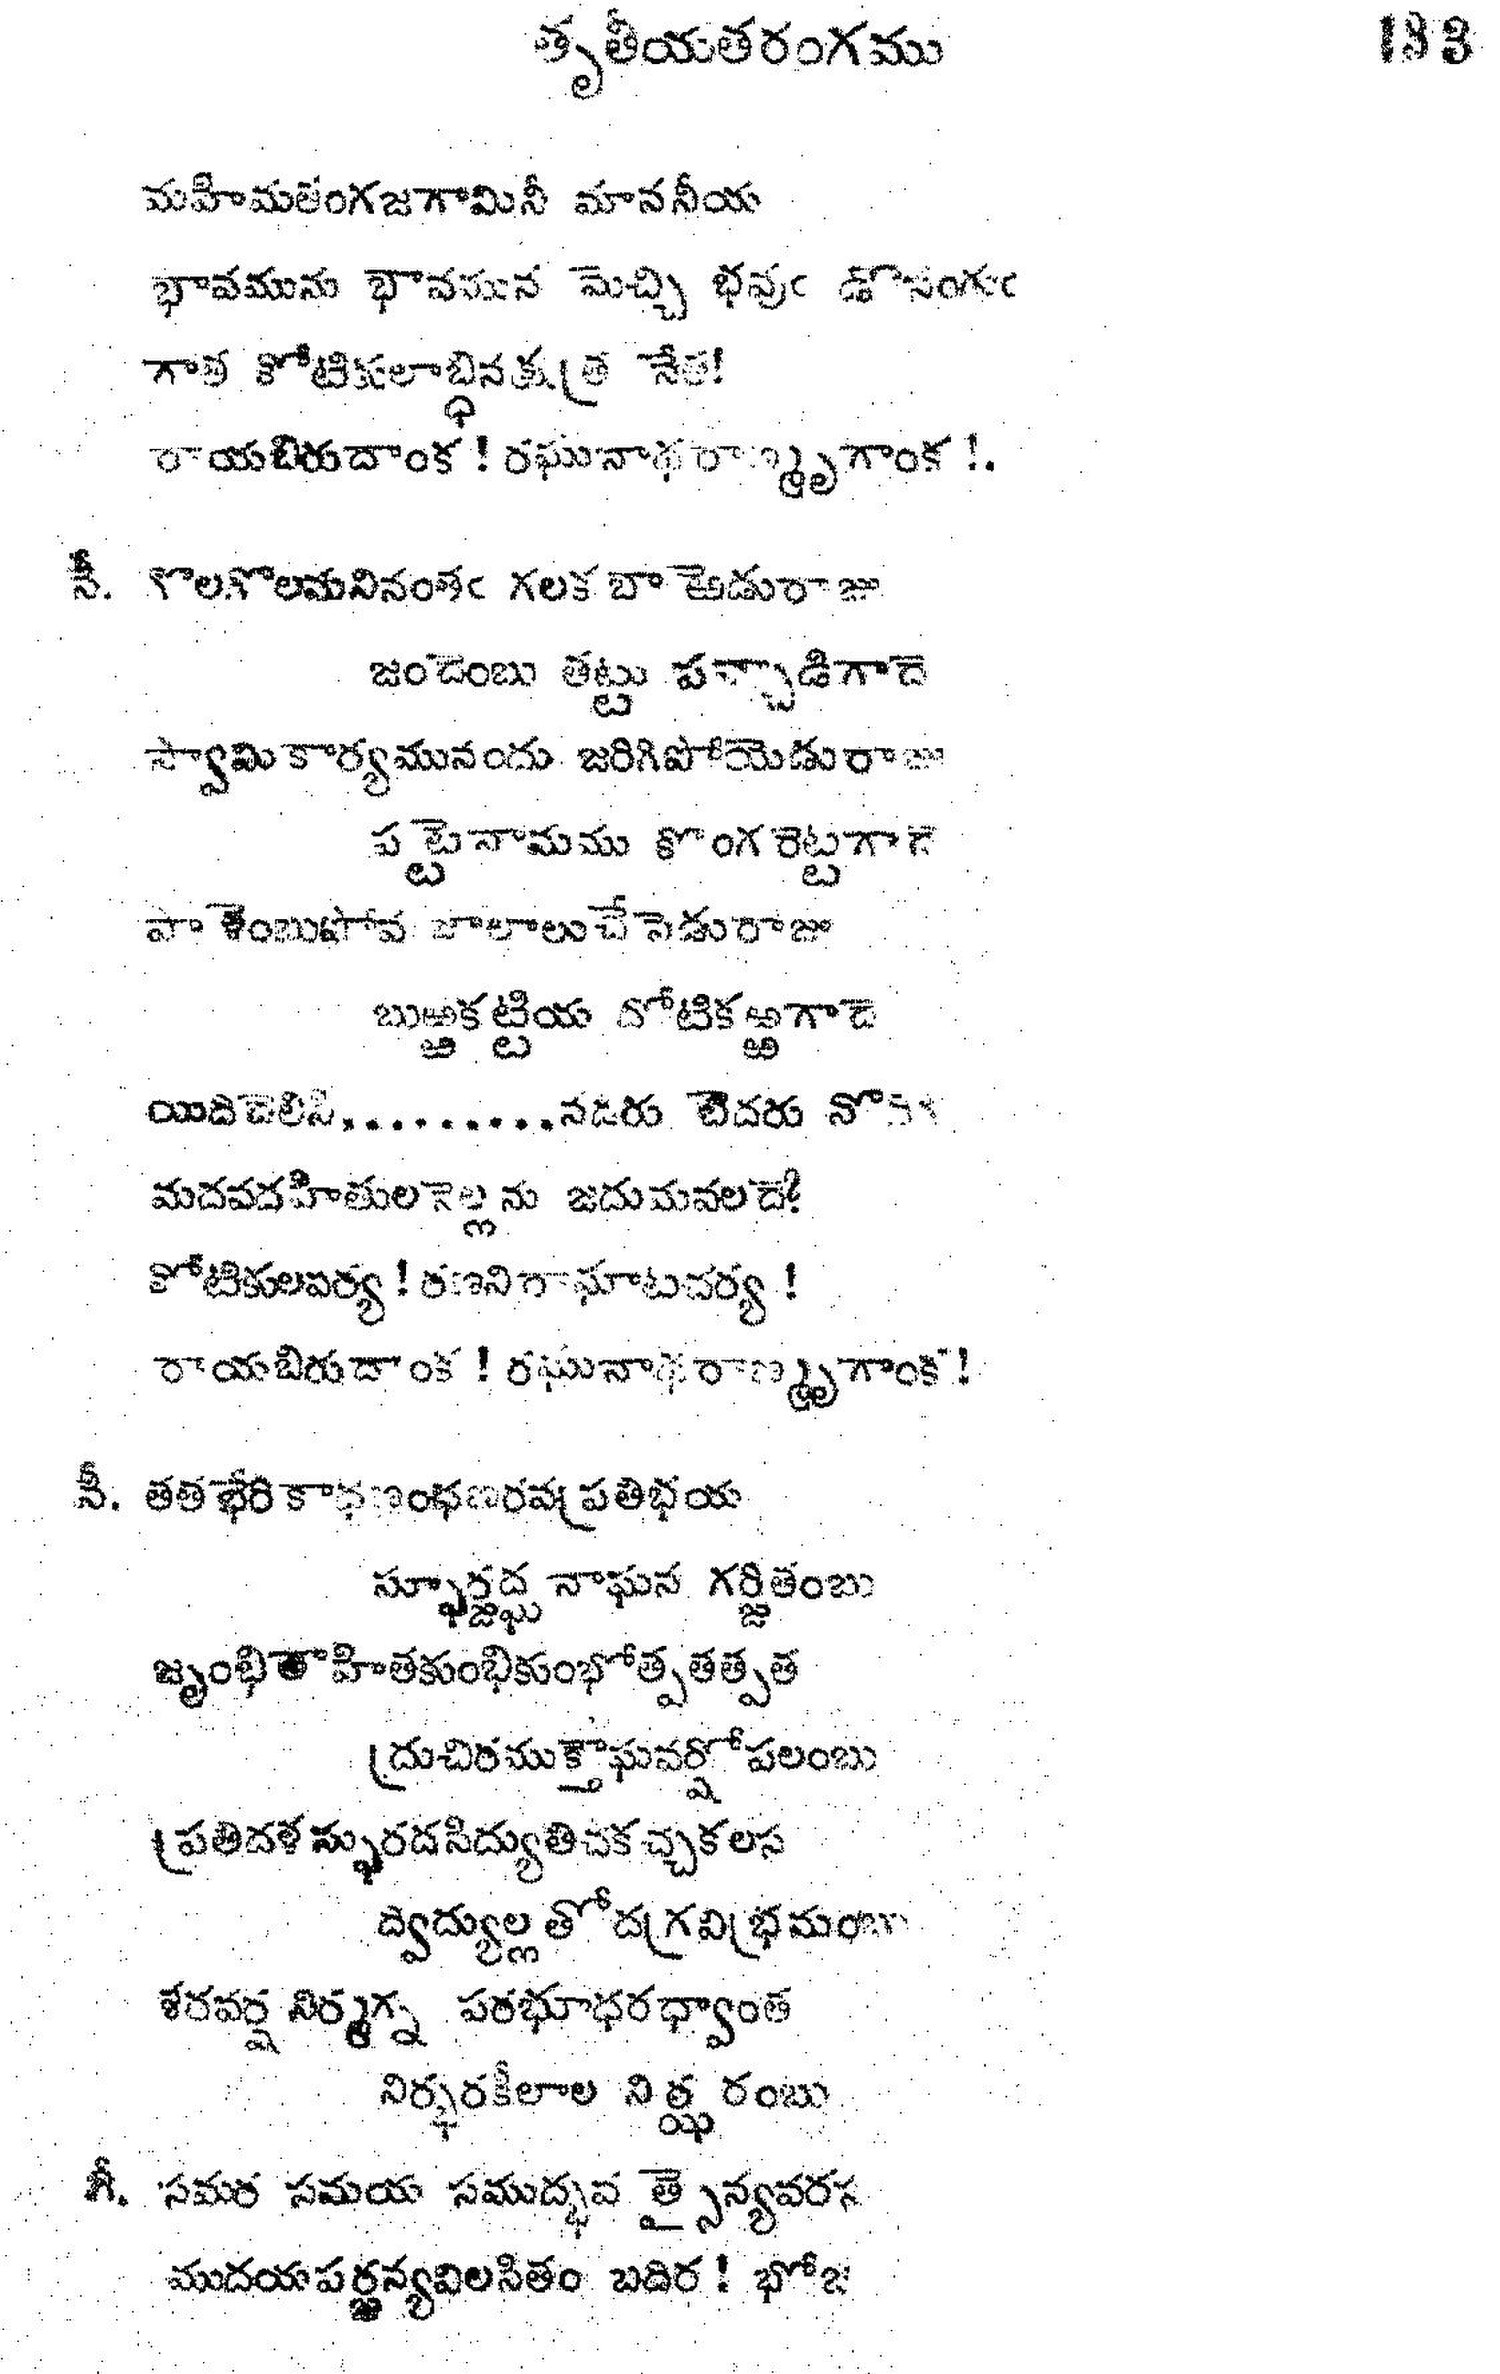మహిమతంగజగామినీ మాననీయ
 భావమును భావమున మెచ్చి భవుఁ డొసంగుఁ
 గాత కోటికులాబ్ధినక్షత్ర నేత!
 రాయబిరుదాంక! రఘునాథరాణ్మృగాంక!

సీ. గొలగొలమనినంతఁ గలకబాఱెడురాజు
 జందెంబు తట్టు పచ్చాడిగాదె
 స్వామికార్యమునందు జరిగిపోయెడురాజు
 పట్టెనామము కొంగరెట్టగాదె
 పాళెంబుపోవ జాలాలు చేసెడురాజు
 బుఱ్ఱకట్టియ దోటికఱ్ఱగాదె
 యిది తెలిసి.............నడరు బెదరు నొదిగి
 మదవదహితులనెల్లను జదుమవలదె?
 కోటికులవర్య! రణనిరాఘాటచర్య!
 రాయబిరుదాంక! రఘునాథరాణ్మృగాంక!

సీ. తతభేరికాధణంధణరవప్రతిభయ
 స్ఫూర్జద్ఘనాఘనగర్జితంబు
 జృంభితాహితకుంభికుంభోత్పతత్పత
 ద్రుచిరముక్తౌఘవర్షోపలంబు
 ప్రతిదళస్ఫురదసిద్యుతిచకచ్చకలస
 ద్విద్యుల్లతోదగ్రవిభ్రమంబు
 శరవర్షనిర్మగ్న పరభూధరధ్వాంత
 నిర్భరకీలాలనిర్ఝరంబు
గీ. సమర సమయ సముద్భవత్సైన్యవరస
 ముదయపర్జన్యవిలసితం బదిర! భోజ